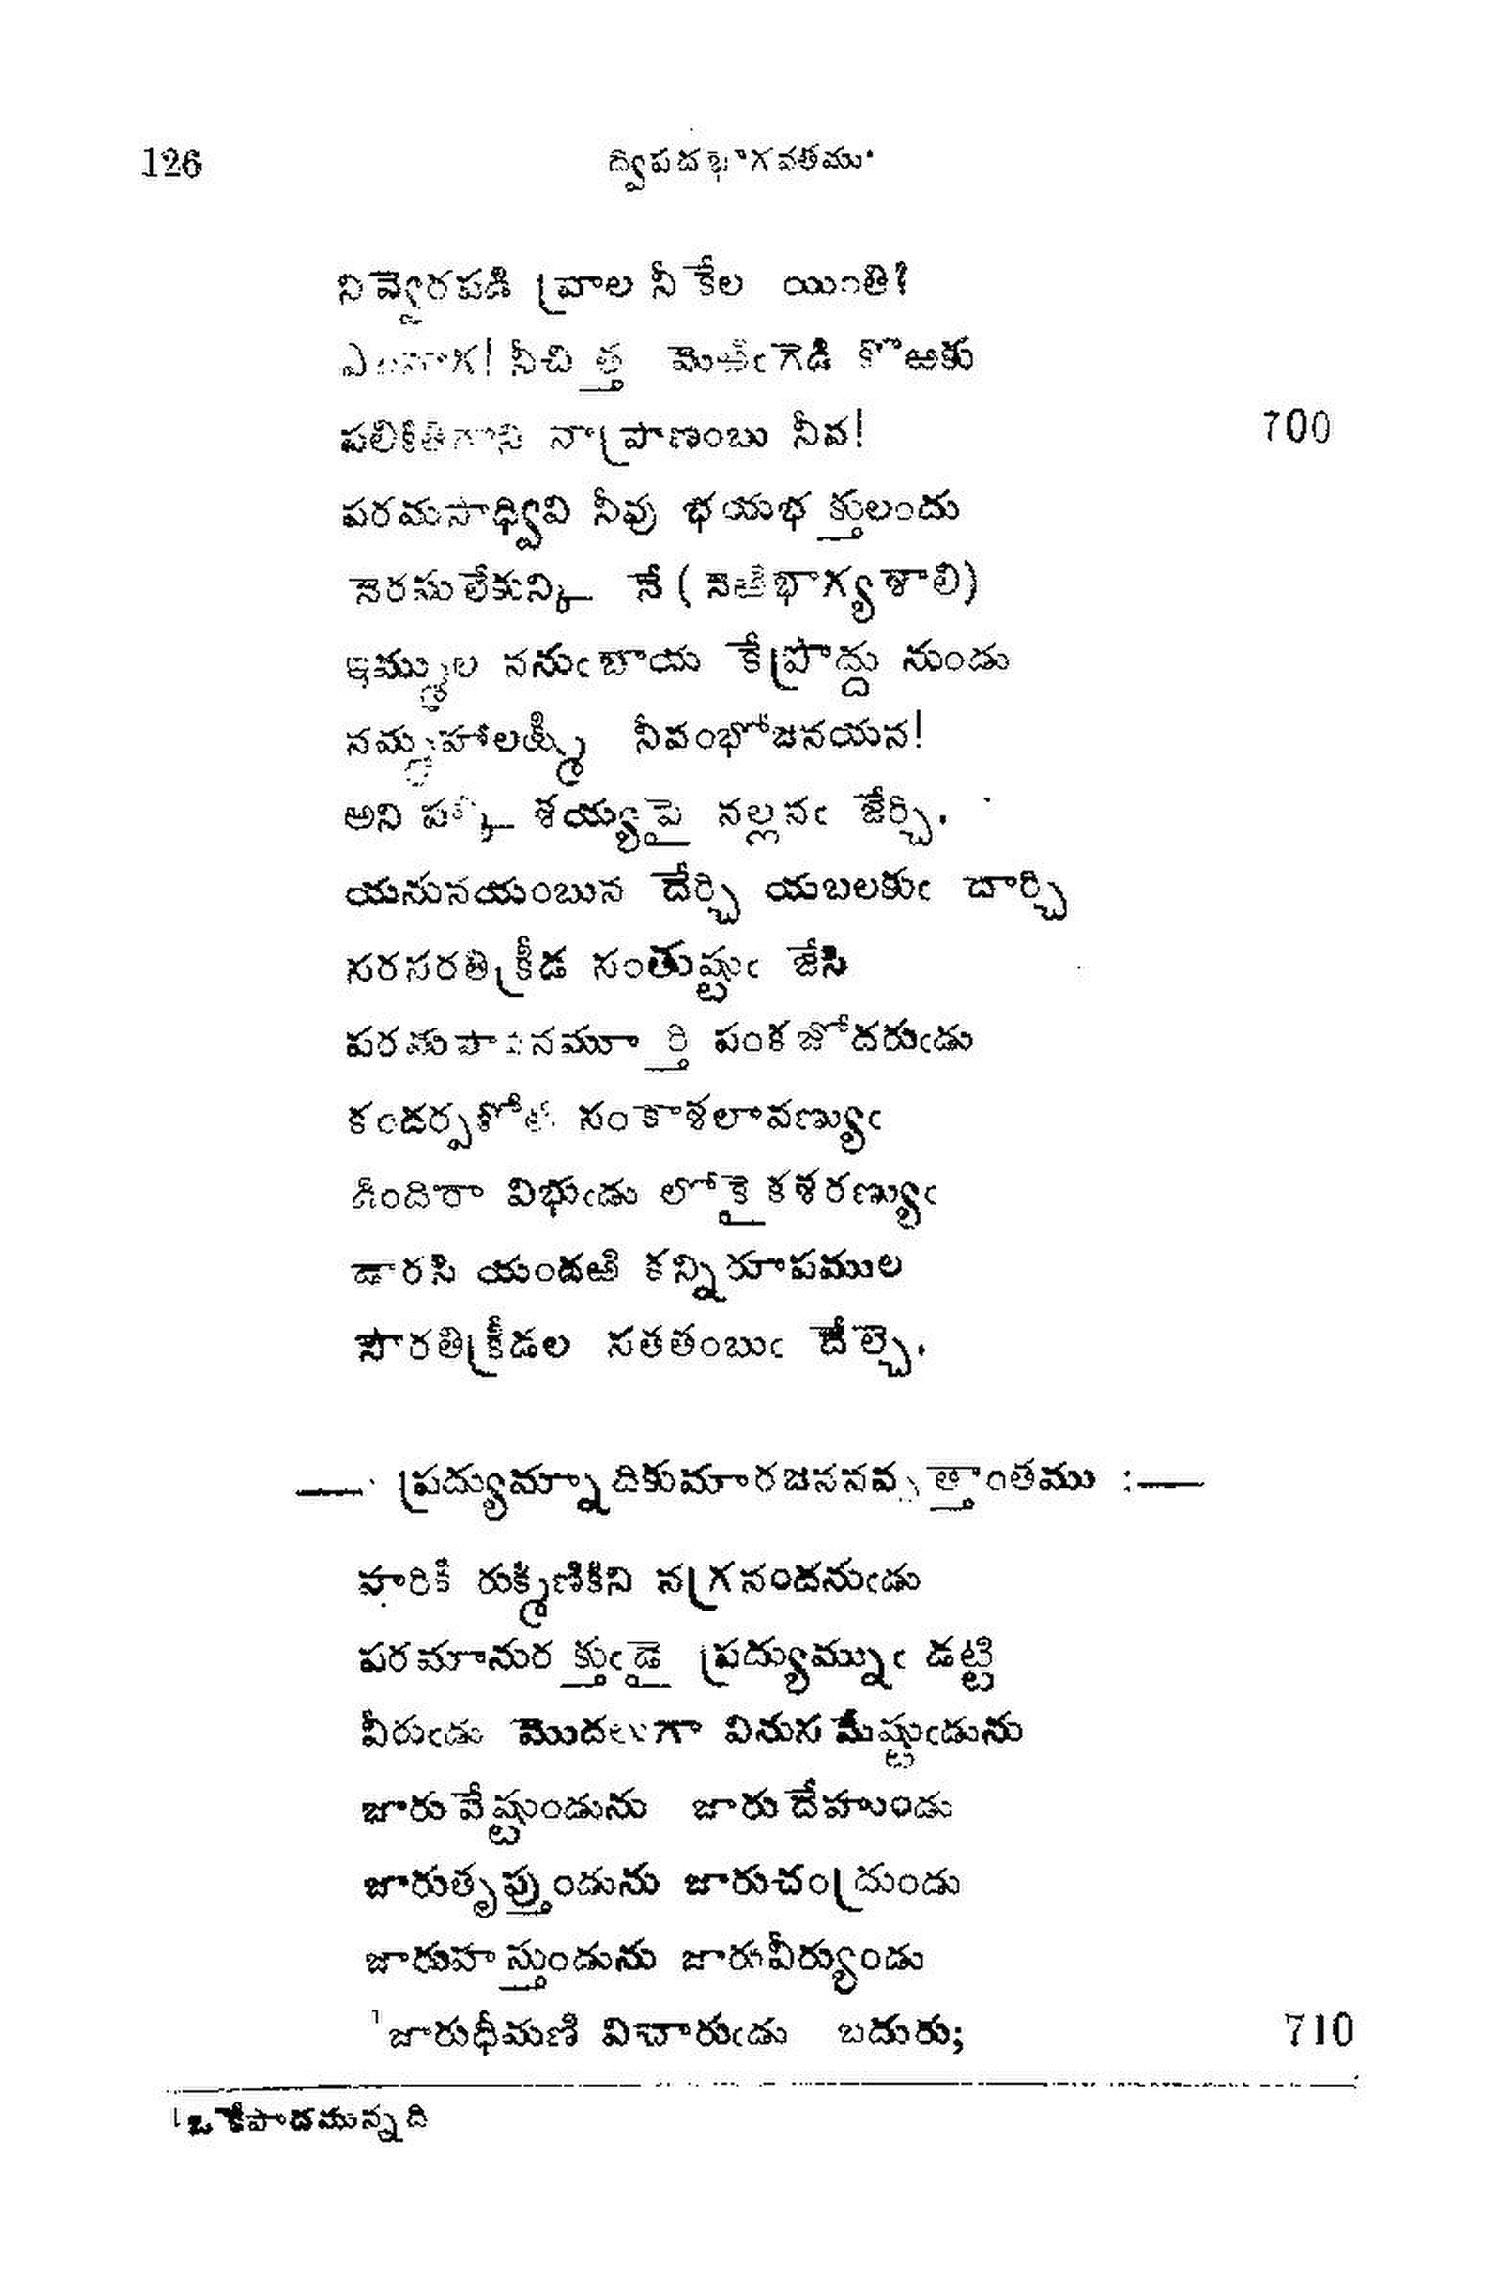నివ్వెరపడి వ్రాల నీకేల యింతి? 
ఎలనాగ! నీచిత్త మెఱిఁగెడి కొఱకు
పలికితిగాని నా ప్రాణంబు నీవ! 
పరమసాధ్వివి నీవు భయభక్తులందు
నెరసులేకున్ని నే (నెఱి భాగ్యశాలి)
ఇమ్ముల ననుఁబాయ కే ప్రొద్దునుండు
నమ్మహాలక్ష్మి నీవంభోజనయన!” 
అని పల్కి శయ్యపై నల్లనఁజేర్చి. 
యనునయంబున దేర్చి యబలకుఁ దార్చి
సరసరతిక్రీడ సంతుష్టుఁ జేసి
పరమపావనమూర్తి పంకజోదరుఁడు
కందర్పకోటి సంకాశలావణ్యుఁ
డిందిరావిభుఁడు లోకైకశరణ్యుఁ
డారసి యందఱి కన్నిరూపముల
సౌరతిక్రీడల సతతంబుఁ దేల్చె.

హరికి రుక్మిణికిని నగ్రనందనుఁడు
పరమానురక్తుఁడై ప్రద్యుమ్నుఁడట్టి
వీరుఁడు మొదలుగా వినుసమేష్టుఁడును
జారువేష్టుండును జారుదేహుండు
జారుతృప్తుండును జారుచంద్రుండు
జారుహస్తుండును జారువీర్యుండు
జారుధీమణి విచారుండు(ను) బదురు;